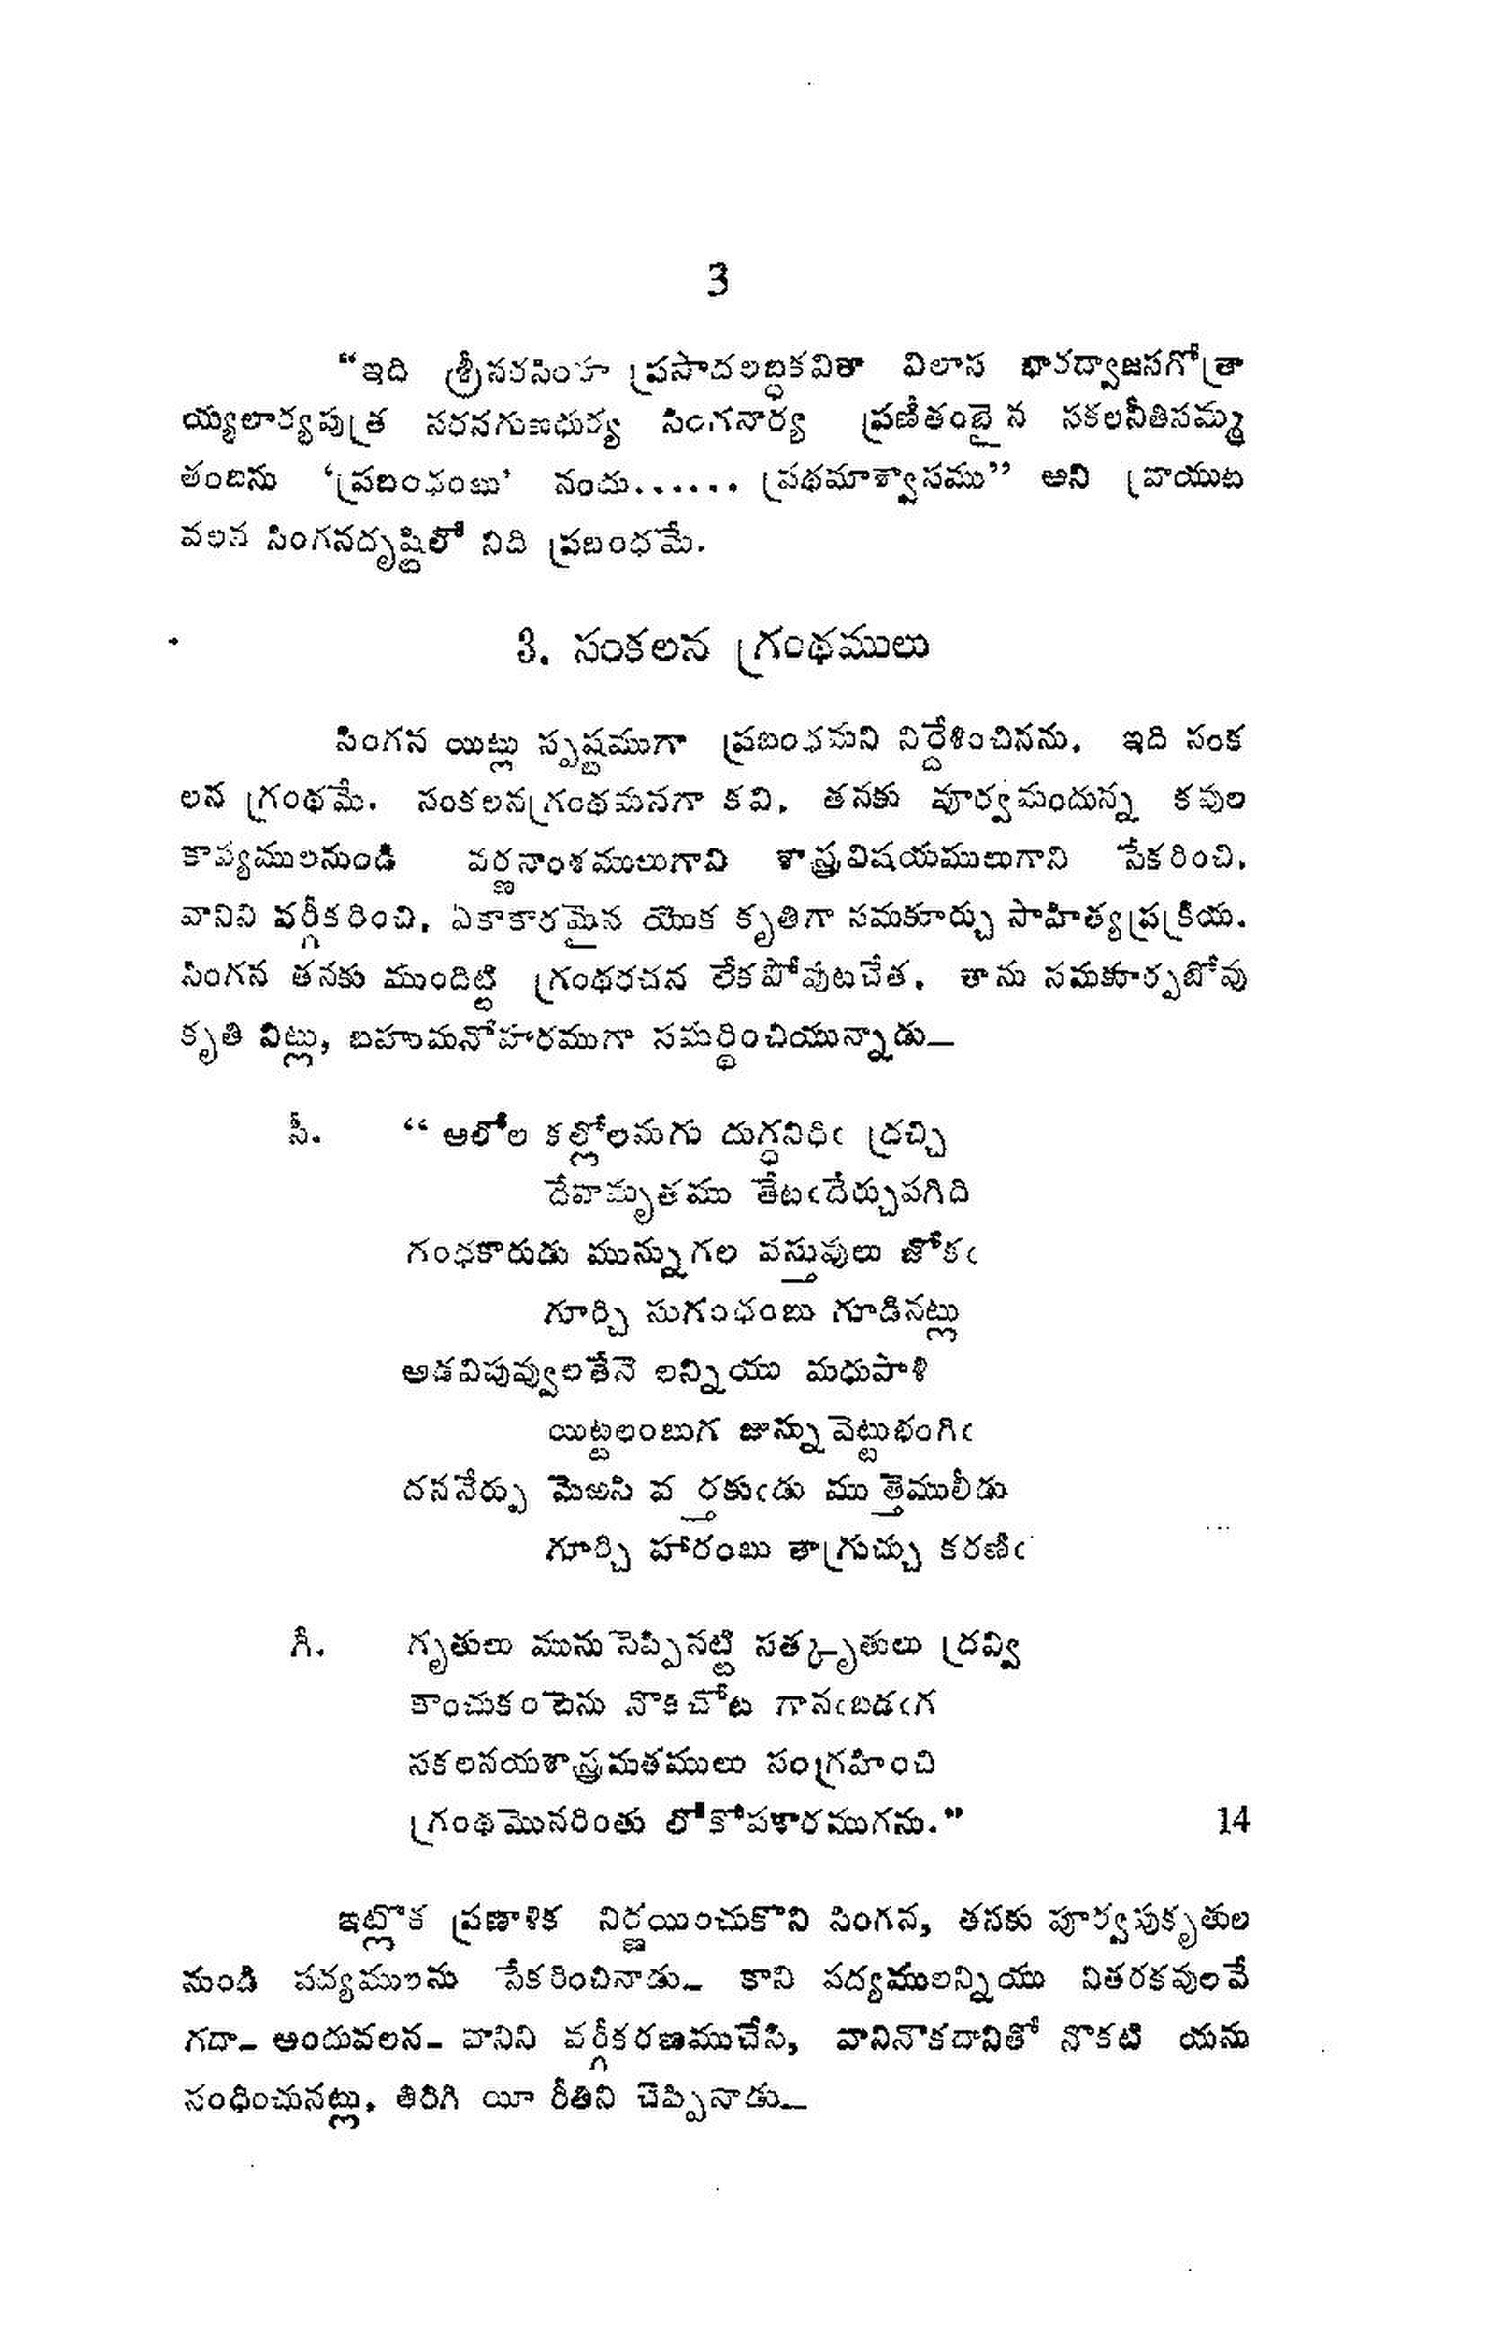“ఇది శ్రీ నరసింహప్రసాదలబ్ధకవితావిలాస భారద్వాజసగోత్రాయ్యలార్యపుత్ర సరసగుణధుర్య సింగనార్యప్రణీతంబైన సకలనీతిసమ్మతంబను 'ప్రబంధంబు' నందు...... ప్రథమాశ్వాసము” అని వ్రాయుట వలన సింగనదృష్టిలో నిది ప్రబంధమే.
3. సంకలనగ్రంథములు
సింగన యిట్లు స్పష్టముగా ప్రబంధమని నిర్దేశించినను, ఇది సంకలనగ్రంథమే. సంకలనగ్రంథ మనగా కవి, తనకు పూర్వమందున్న కవుల కావ్యములనుండి వర్ణనాంశములుగాని శాస్త్రవిషయములుగాని సేకరించి, వానిని వర్గీకరించి, ఏకాకారమైన యొకకృతిగా సమకూర్చు సాహిత్యప్రక్రియ. సింగన తనకుముం దిట్టిగ్రంథరచన లేకపోవుటచేత, తాను సమకూర్పబోవు కృతి నిట్లు, బహుమనోహరముగా సమర్థించియున్నాడు— 

ఇ ట్లొకప్రణాళిక నిర్ణయించుకొని సింగన, తనకు పూర్వపుకృతుల నుండి పద్యములను సేకరించినాడు. కాని పద్యములన్నియు నితరకవులవే గదా. అందువలన వానిని వర్గీకరణము చేసి, వాని నొకదానితో నొకటి యనుసంధించునట్లు, తిరిగి యీ రీతిని చెప్పినాడు.